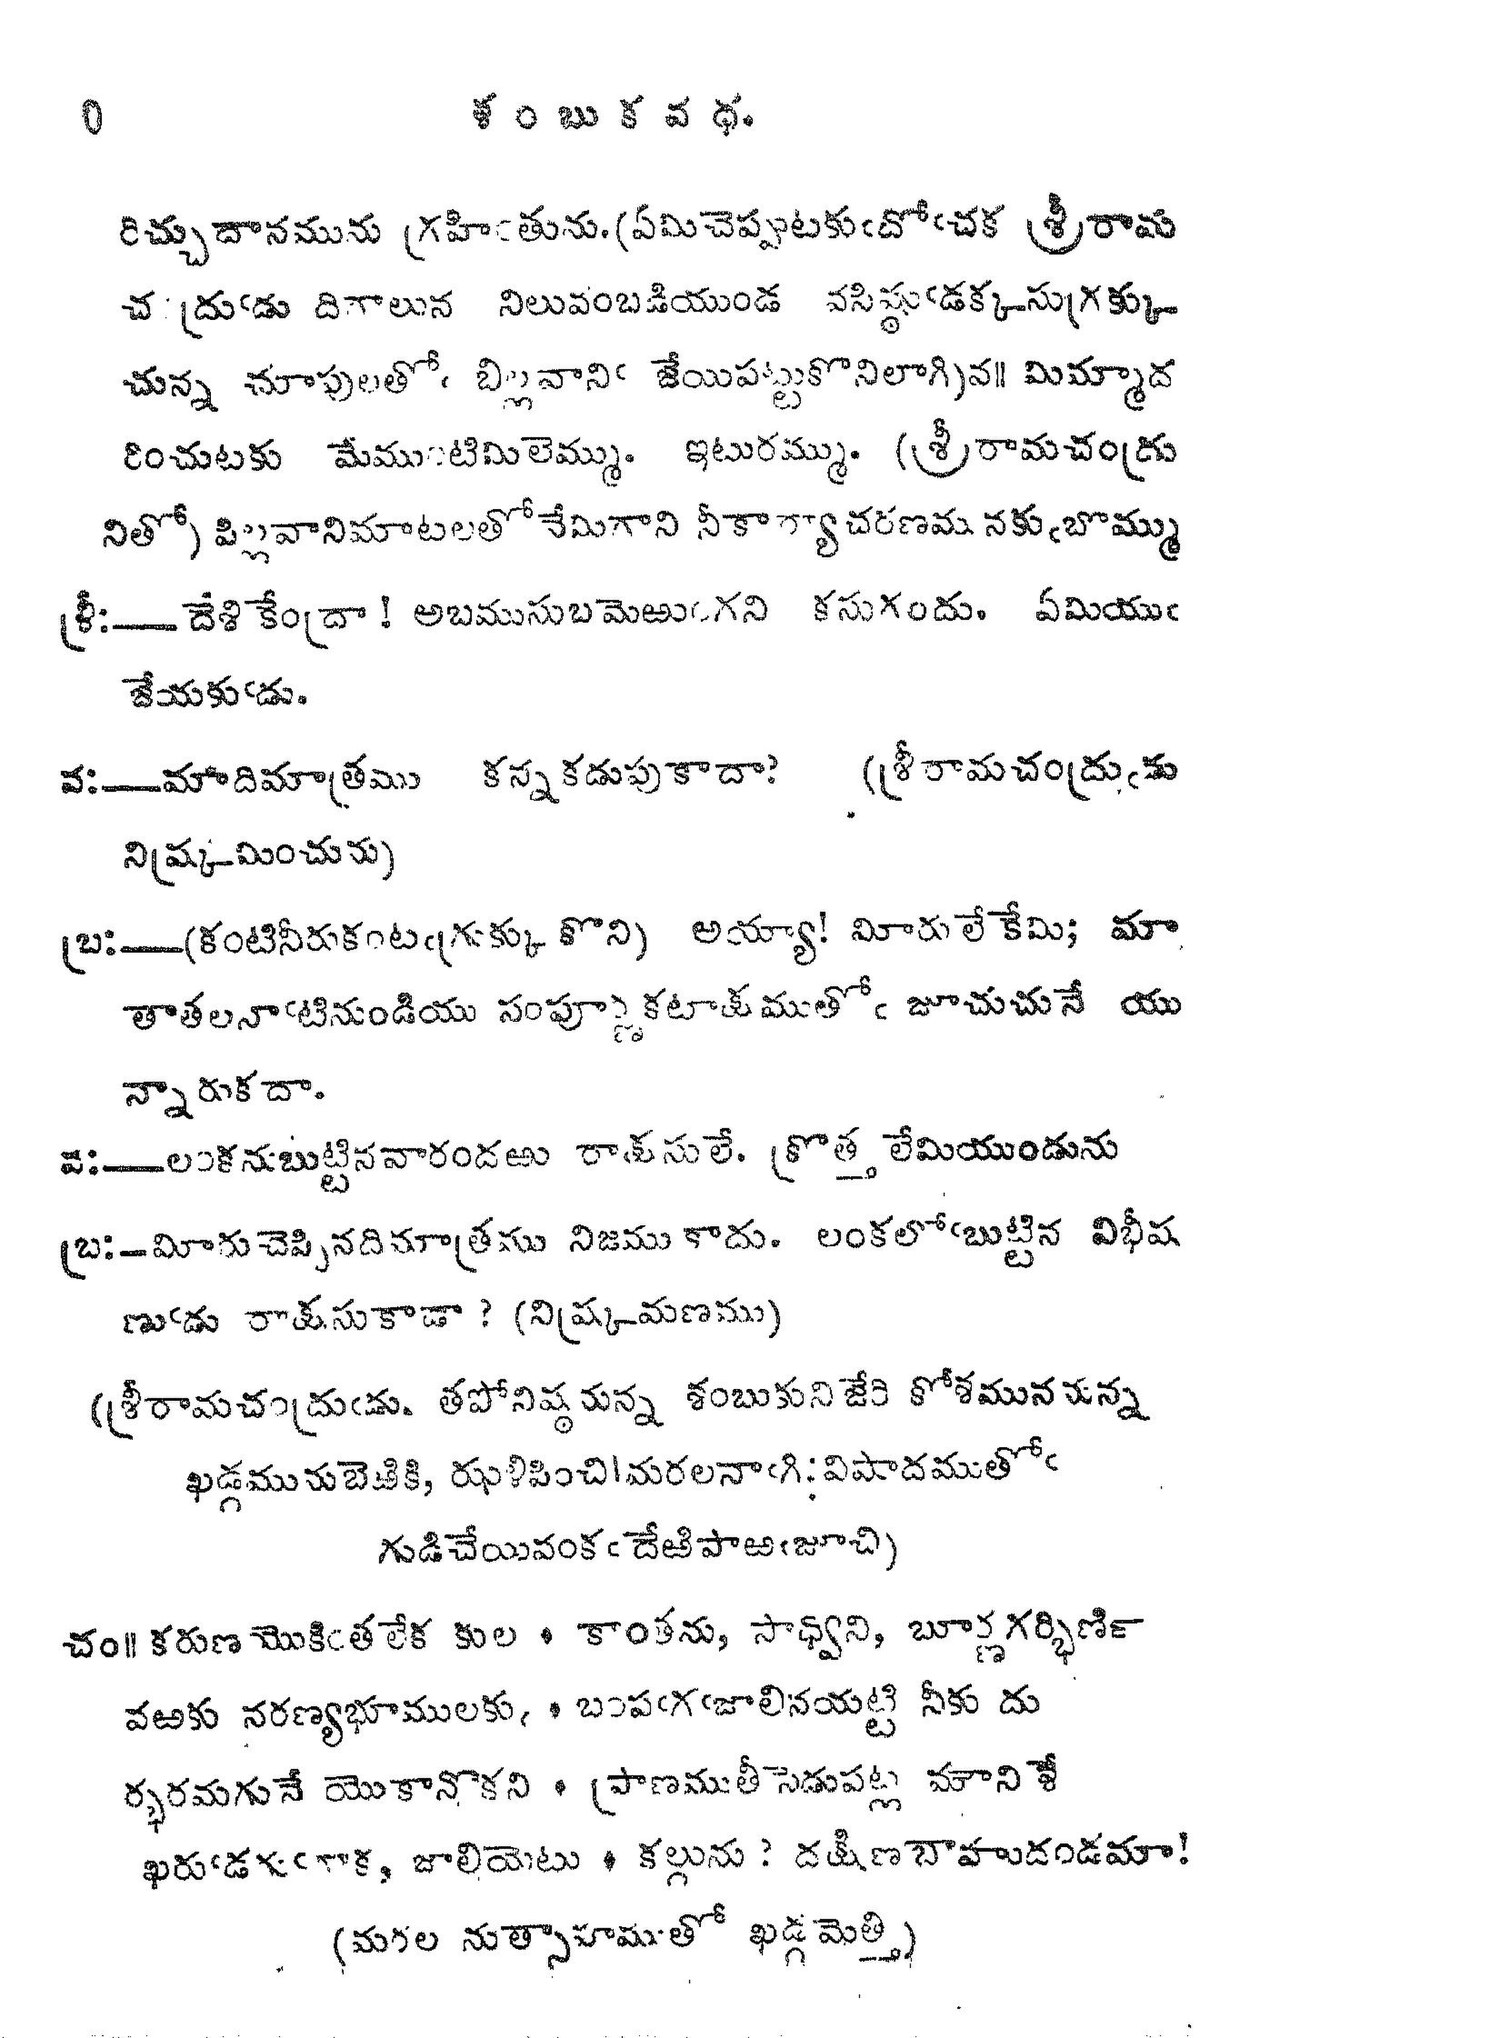రిచ్చుదానమును గ్రహింతును.ఏమి చెప్పుటకుఁదోఁచక శ్రీరామ
 చద్రుఁడు దిగాలున నిలువంబడియుండ వసిష్ఠుఁడక్కసుగ్రక్కు
 చున్న చూపులతో, బిల్ల వానిఁ జేయిపట్టుకొని లాగి) వ!! మిమ్మాద
 రించుటకు మేముంటిమి లెమ్ము. ఇటురమ్ము. (శ్రీరామచంద్రు
 నితో) పిల్లవాని మాటలతో నేమిగాని నీకార్యాచరణమునకు బొమ్ము

శ్రీ: దేశి కేంద్రా ! అబము సుబమెఱుఁగని కసుగందు. ఏమియుఁ
 జేయకుఁడు.

వ:- మాది మాత్రము కన్న కడుపు కాదా? (శ్రీరామచంద్రుడు
 నిష్క్రమించును)

బ్ర:- (కంటినీరు కంటఁగ్రక్కు కొన్ని అయ్యా! మీరు లేకేమి; మా
 తాతలనాటినుండియు సంపూర్ణ కటాక్షముతోఁ జూచుచునే యు
 న్నారుకదా.

వ: లంకను బుట్టిన వారందఱు రాక్షశుసులే. క్రొత్త లేమియుండును

బ్ర:- మీరు చెప్పినది మాత్రము నిజము కాదు. లంకలో బుట్టిన విభీష
 ణుడు రాక్షసుడుకాడా ! (నిష్క్రమణము)

 (శ్రీరామచంద్రుఁడు. తపోనిష్ఠనున్న శంబుకుని జేతి కోశమున నున్న
 ఖడ్గమునుబెఱికి, ఝళిపించి మరల నాగి: విషాదముతో
 గుడిచేయివంకఁ దేఱి పాజ జూచి)

 చం|| కరుణ యొకింతలేక కుల కాంతను, సాద్విని, బూర్జ గర్భిణిన్-
 వఱకు నరణ్యభూములకు, బంపగజాలినయట్టి నీకు దు
 ర్భరమగునే యొకానొకని ప్రాణము తీసెడుపట్ల మౌని శే
 ఖరుఁడగుకాక జాలియెటు కల్గును? . దక్షిణ భాహుడండమా!

 (మరల నుత్సాహముతో ఖడ్గ మెత్తి)